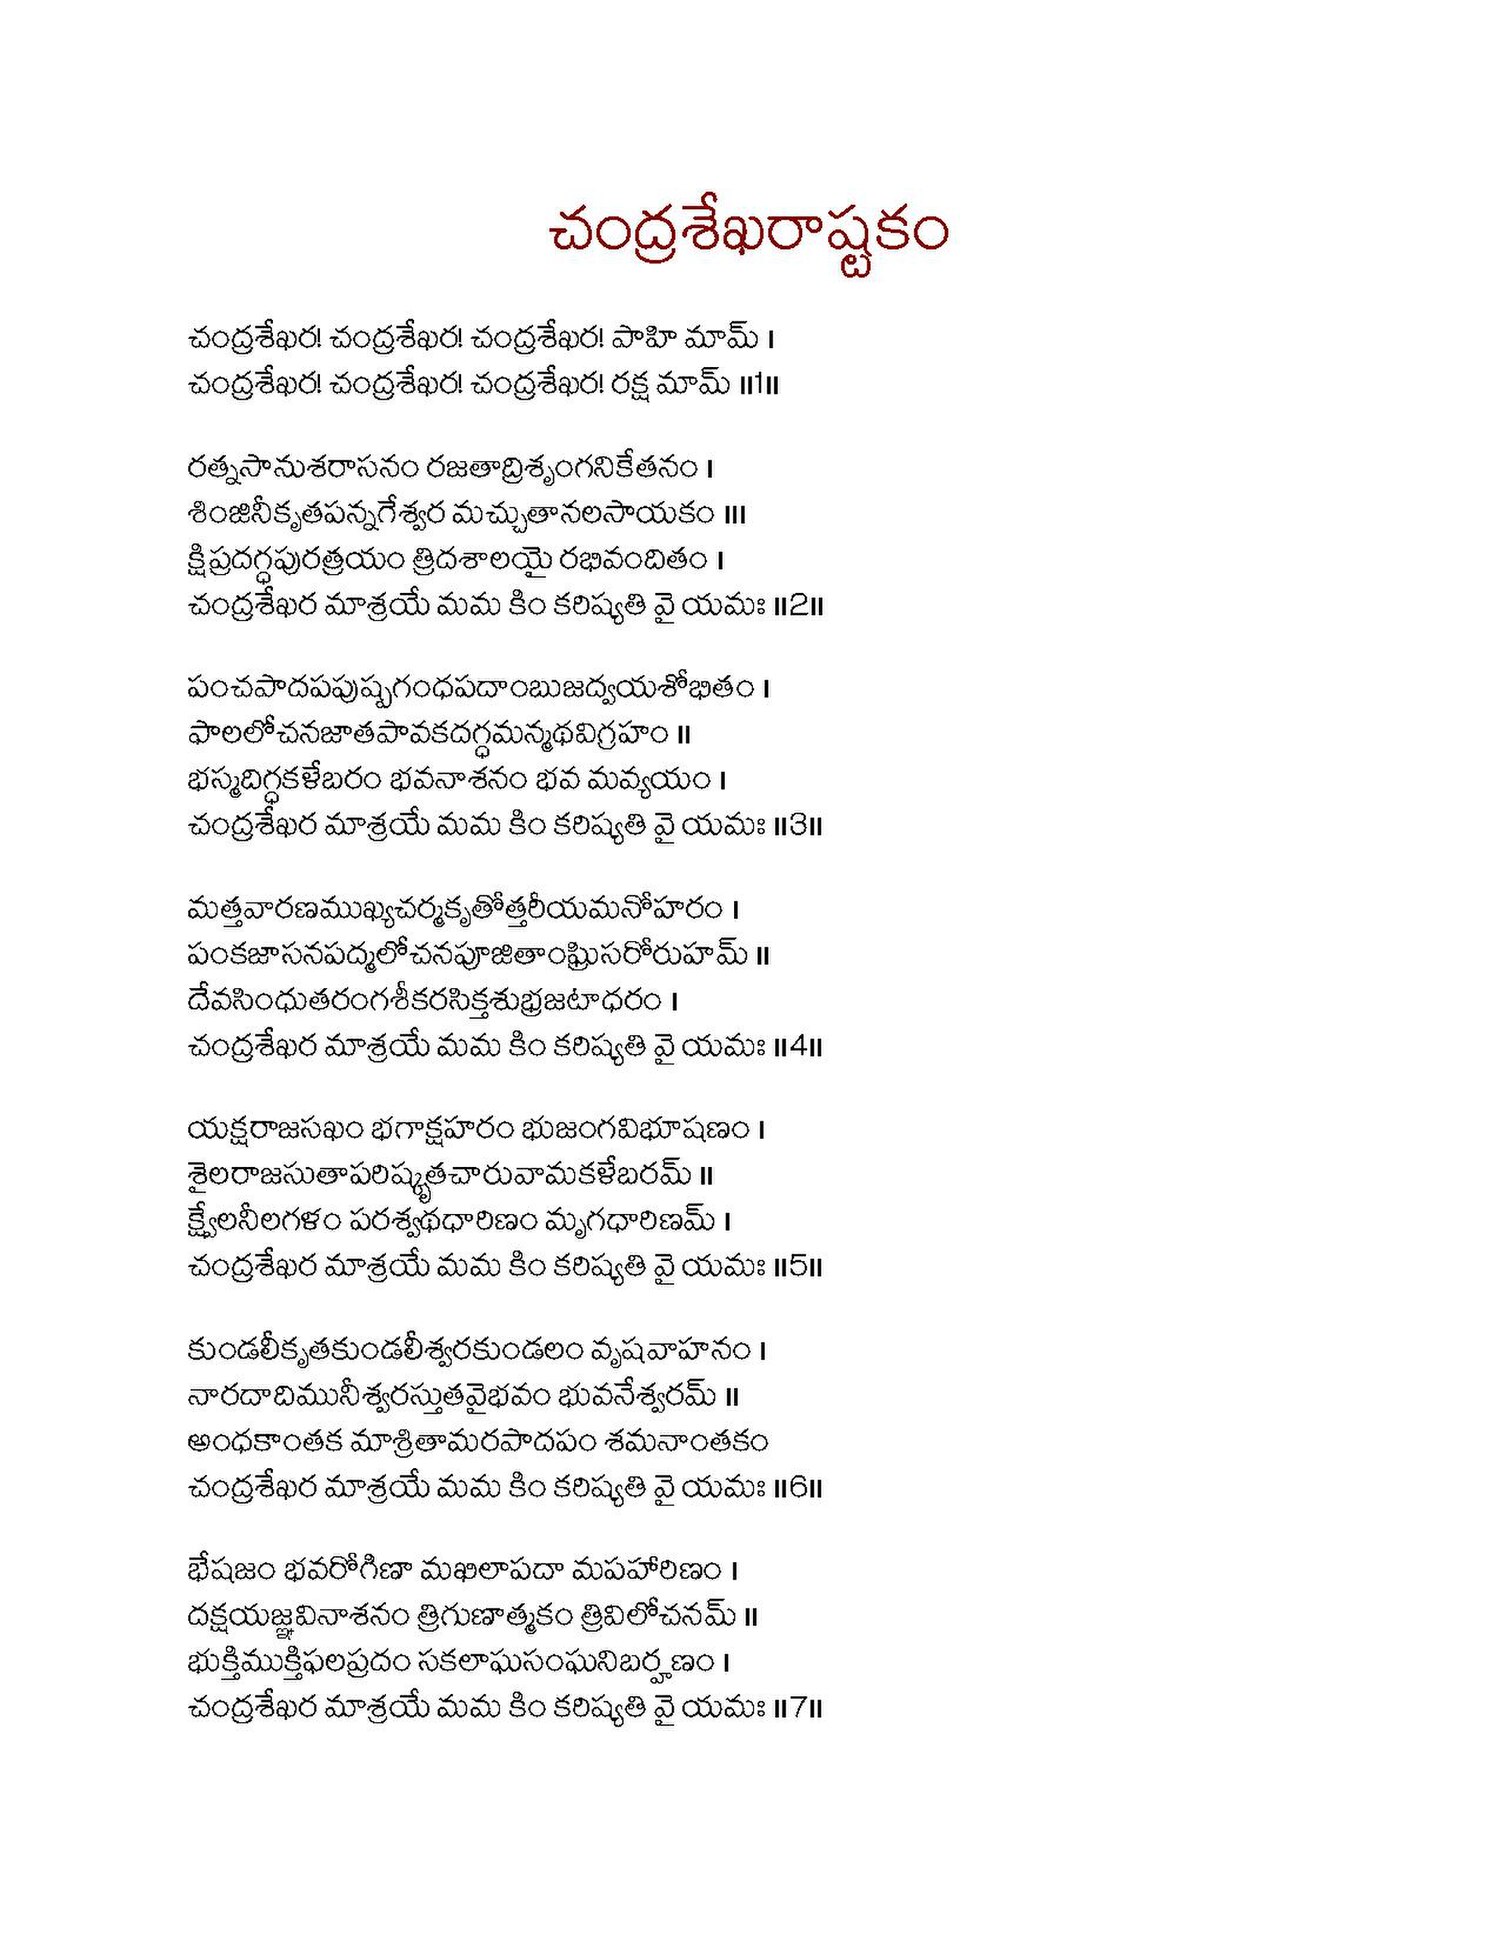చంద్రశేఖరాష్టకం

చంద్రశేఖర! చంద్రశేఖర! చంద్రశేఖర! పాహి మామ్ |
చంద్రశేఖర! చంద్రశేఖర! చంద్రశేఖర! రక్ష మామ్ ||1||

రత్నసానుశరాసనం రజతాద్రిశృంగనికేతనం |
శింజినీకృతపన్నగేశ్వర మచ్చుతానలసాయకం ||
క్షిప్రదగ్ధపురత్రయం త్రిదశాలయై రభివందితం |
చంద్రశేఖర మాశ్రయే మమ కిం కరిష్యతి వై యమః ||2||

పంచపాదపపుష్పగంధపదాంబుజద్వయశోభితం |
ఫాలలోచనజాతపావకదగ్ధమన్మథవిగ్రహం ||
భస్మదిగ్ధకళేబరం భవనాశనం భవ మవ్యయం |
చంద్రశేఖర మాశ్రయే మమ కిం కరిష్యతి వై యమః ||3||

మత్తవారణముఖ్యచర్మకృతోత్తరీయమనోహరం |
పంకజాసనపద్మలోచనపూజితాంఘ్రిసరోరుహమ్ ||
దేవసింధుతరంగశీకరసిక్తశుభ్రజటాధరం |
చంద్రశేఖర మాశ్రయే మమ కిం కరిష్యతి వై యమః ||4||

యక్షరాజసఖం భగాక్షహరం భుజంగవిభూషణం |
శైలరాజసుతాపరిష్కృతచారువామకళేబరమ్ ||
క్ష్వేలనీలగళం పరశ్వథధారిణం మృగధారిణమ్ |
చంద్రశేఖర మాశ్రయే మమ కిం కరిష్యతి వై యమః ||5||

కుండలీకృతకుండలీశ్వరకుండలం వృషవాహనం |
నారదాదిమునీశ్వరస్తుతవైభవం భువనేశ్వరమ్ ||
అంధకాంతక మాశ్రితామరపాదపం శమనాంతకం
చంద్రశేఖర మాశ్రయే మమ కిం కరిష్యతి వై యమః || 6 ||

భేషజం భవరోగిణా మఖిలాపదా మపహారిణం |
దక్షయజ్ఞవినాశనం త్రిగుణాత్మకం త్రివిలోచనమ్ ||
భుక్తిముక్తిఫలప్రదం సకలాఘసంఘనిబర్హణం |
చంద్రశేఖర మాశ్రయే మమ కిం కరిష్యతి వై యమః || 7 ||